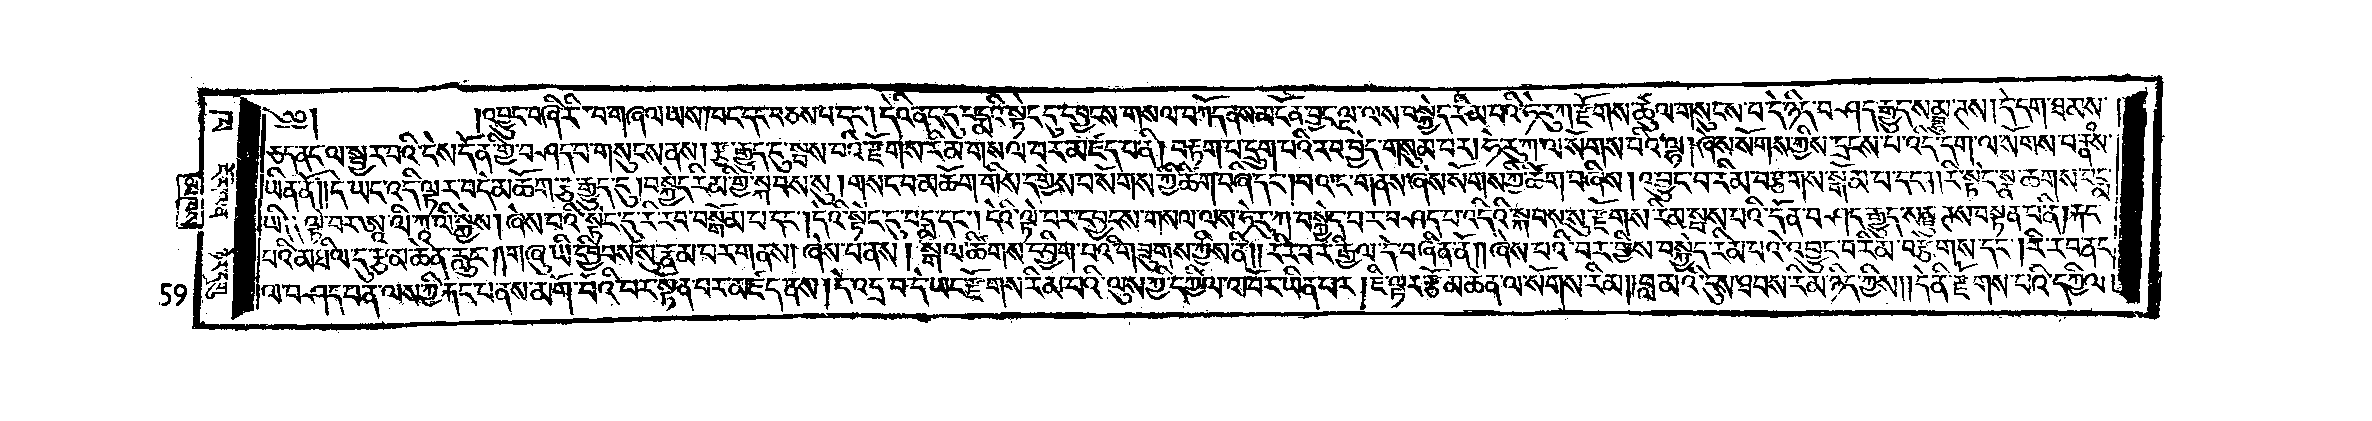༄༅། །འབྱུང་བཞི་རི་རབ་གཞལ་ཡས་ཁང་དང་བཅས་པ་དང་། དེའི་ནང་དུ་པདམའི་སྟེང་དུ་དབྱངས་གསལ་བཀོད་ནས་མངོན་བྱང་ལྔ་ལས་བསྐྱེད་རིམ་པའི་ཧེ་རུ་ཀ་རྫོགས་ཚུལ་གསུངས་པ་དེ་ཉིད་བཤད་རྒྱུད་སམྦྷུ་ཊས། དེ་དག་ཐམས་
ཅད་ནང་ལ་སྦྱར་བའི་ངེས་དོན་གྱི་བཤད་པ་གསུངས་ནས། རྩ་རྒྱུད་དུ་སྦས་པའི་རྫོགས་རིམ་གསལ་བར་མཛད་པ་ནི། བརྟག་པ་དྲུག་པའི་རབ་བྱེད་གསུམ་པར། ཧེ་རུ་ཀ་ལ་སོགས་པའི་ལྷ། ཞེས་སོགས་ཀྱིས་དྲངས་པ་འདི་དག་ལ་སོགས་པ་རྣམས་
ཡིན་ནོ། །དེ་ཡང་འདི་ལྟར་བདེ་མཆོག་རྩ་རྒྱུད་དུ། བསྐྱེད་རིམ་གྱི་སྐབས་སུ། གསང་བ་མཆོག་གིས་དགྱེས་པ་སོགས་ཀྱི་ཚིག་བཞི་དང་། བའི་ང་གནས་ཞེས་སོགས་ཀྱི་ཚིག་བཞིས། འབྱུང་བ་རིམ་བརྩགས་སྒོམ་པ་དང་། །རི་སྟེང་སྣ་ཆགས་པདམ་
ཡི༑ ༑ལྟེ་བར་ཨཱ་ལི་ཀཱ་ལི་སྐྱེས། ཞེས་པའི་སྟེང་དུ་རི་རབ་བསྒོམ་པ་དང་། དེའི་སྟེང་དུ་པདམ་དང་། དེའི་ལྟེ་བར་དབྱངས་གསལ་ལས་ཧེ་རུ་ཀ་བསྐྱེད་པར་བཤད་པ་འདིའི་སྐབས་སུ་རྫོགས་རིམ་སྦས་པའི་དོན་བཤད་རྒྱུད་སམྦྷུ་ཊས་བསྟན་པ་ནི། རྐང་
པའི་མཐིལ་དུ་རྩམ་ཆེན་རླུང་། །གཞུ་ཡི་དབྱིབས་སུ་རྣམ་པར་གནས། ཞེས་པ་ནས། སྒལ་ཚིགས་དབྱིག་པའི་གཟུགས་ཀྱིས་ནི། །རི་རབ་རི་རྒྱལ་དེ་བཞིན་ནོ། །ཞེས་པའི་བར་གྱིས་བསྐྱེད་རིམ་པའི་འབྱུང་བ་རིམ་བརྩེགས་དང་། རི་རབ་ནང་
ལ་བཤད་པ་ན་ལས་ཀྱི་རྐང་པ་ནས་མགོ་བོའི་བར་སྟོན་པར་མཛད་ནས། དེ་འདྲ་བ་དེ་ཡང་རྫོགས་རིམ་པའི་ལུས་ཀྱི་དཀྱིལ་འཁོར་ཡིན་པར། ཇི་ལྟར་རྩོམ་ཆེན་ལ་སོགས་རིམ། །བླ་མའི་དུས་ཐབས་རིམ་ཉིད་ཀྱིས། །དེ་ནི་རྫོགས་པའི་དཀྱིལ་